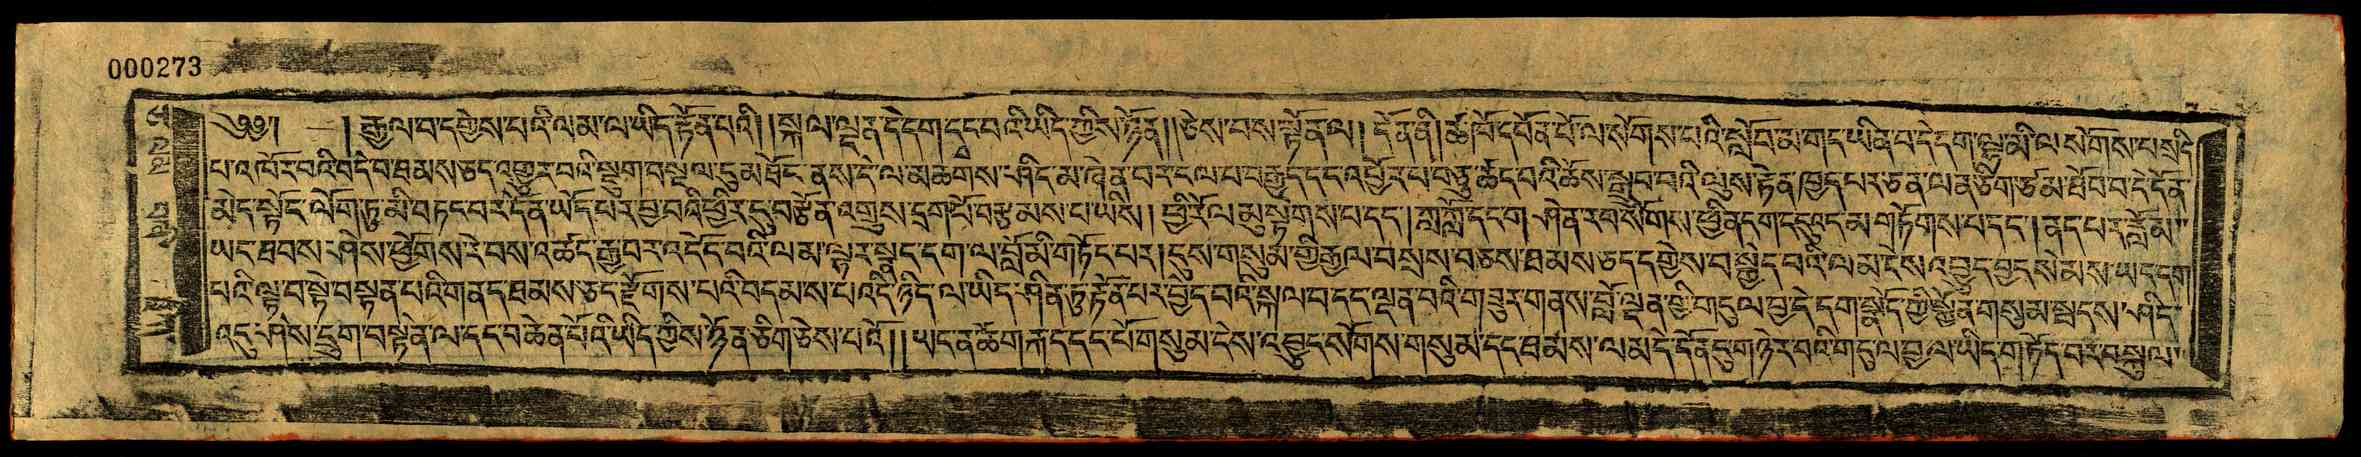༄༅། །རྒྱལ་བ་དགྱེས་པའི་ལམ་ལ་ཡིད་རྟོན་པའི། །སྐལ་ལྡན་དེ་དག་དྭང་བའི་ཡིད་ཀྱིས་ཉོན། །ཅེས་པས་སྟོན་ལ། དོན་ནི། ཚ་ཁོ་དབོན་པོ་ལ་སོགས་པའི་སློབ་མ་གང་ཡིན་པ་དེ་དག་ལྷ་མི་ལ་སོགས་པ་སྲིད་ཏ་པ་འཁོར་བའི་བདེ་བ་ཐམས་ཅད་འགྱུར་པའི་སྡུག་བསྔལ་དུ་མཐོང་ནས་དེ་ལ་མ་ཆགས་ཤིང་མ་ཞེན་པར་དལ་བ་བརྒྱད་དང་འབྱོར་པ་བཅུ་ཚང་པའི་ཆོས་སྒྲུབ་པའི་ལུས་རྟེན་ཁྱད་པར་ཅན་ལན་ཅིག་ཙམ་ཐོབ་པ་དེ་དོན་
མེད་སྟོང་ལོག་ཏུ་མི་བཏང་བར་དོན་ཡོད་པར་བྱ་བའི་ཕྱིར་དུ་བརྩོན་འགྲུས་དྲག་པོ་བརྩམས་པ་ཡིས། ཕྱི་རོལ་མུ་སྟེགས་པ་དང་། ཀླ་ཀློ་དང་གཤེན་རབ་སོགས་ཕྱི་ནང་གང་དུའང་མ་གཏོགས་པ་དང་། ནང་པར་རློམ་་་
ཡང་ཐབས་ཤེས་ཕྱོགས་རེ་བས་འཚང་རྒྱ་བར་འདོད་པའི་ལམ་ལྟར་སྣང་དག་ལ་བློ་མི་གཏོང་པར། དུས་གསུམ་གྱི་རྒྱལ་བ་སྲས་བཅས་ཐམས་ཅད་དགྱེས་པ་སྐྱེད་པའི་ལམ་ངེས་འབྱུང་བྱང་སེམས་ཡང་དག་
པའི་ལྟ་བ་སྟེ་བསྟན་པའི་གནད་ཐམས་ཅད་རྫོགས་པའི་བདམས་པ་འདི་ཉིད་ལ་ཡིད་ཤིན་ཏུ་རྟོན་པར་བྱེད་པའི་སྐལ་བ་དང་ལྡན་པའི་གཟུར་གནས་བློ་ལྡན་གྱི་གདུལ་བྱ་དེ་དག་སྣོད་ཀྱི་སྐྱོན་གསུམ་སྤངས་ཤིང་
འདུ་ཤེས་དྲུག་བསྟེན་ལ་དྭང་བ་ཆེན་པོའི་ཡིད་ཀྱིས་ཉོན་ཅིག་ཅེས་པའོ། །ཡང་ན་ཚིག་རྐང་དང་པོ་གསུམ་ངེས་འབྱུང་སོགས་གསུམ་དང་ཐ་མས་ལམ་དེ་དོན་དུ་གཉེར་བའི་གདུལ་བྱ་ལ་ཡིད་གཏོང་པར་བསྐུལ་